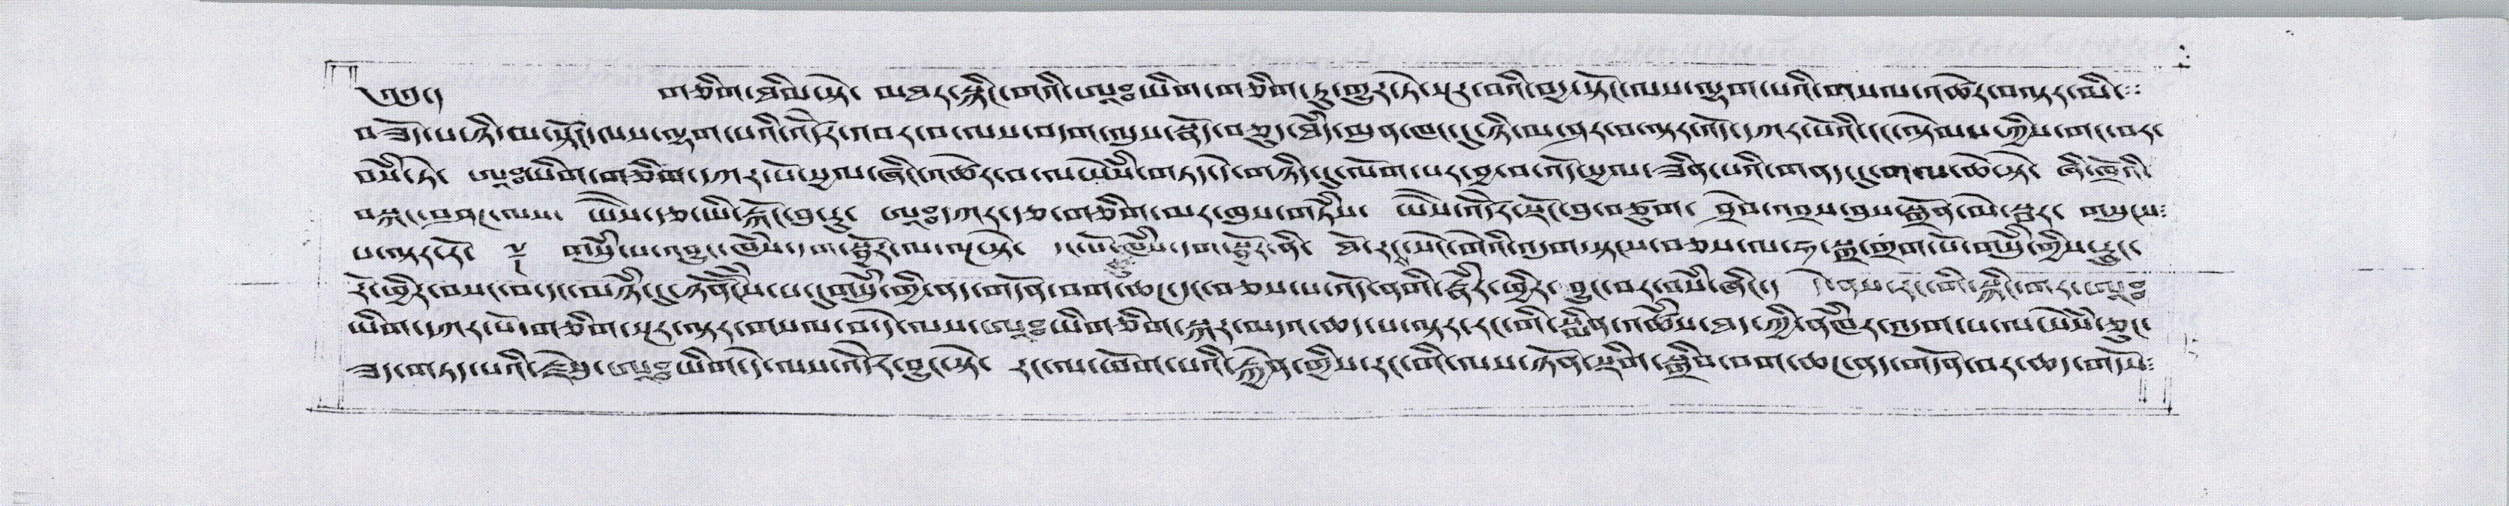གཅིག་ཐིམ་སྟེ། མཐར་སྙིང་གའི་ཨཱཿཡིག་གཅིག་ཏུ་གྱུར་ཏེ་སྔར་བས་བརྒྱ་སྟོང་ལས་ལྷག་པའི་གསལ་འཚེར་བལྟར་མི་
བཟོད་པ་ཉི་མ་སྟོང་ལས་ལྷག་པའི་འོད་ཟེར་འབར་བ་ལས་བདག་ལུས་སྣོད་བཅུད་ཐམས་ཅད་མུན་ཁང་དུ་ཉི་མ་ཤར་བ་ལྟར་འོད་དཀར་པོའི་ངང་ལྟེམས་ཀྱིས་གང་བར་
བསམ་སྟེ། ཨཱཿཡིག་གཅིག་དཀར་པོ་གསལ་ཞིང་འཚེར་བ་ལ་སེམས་གཏད་དེ་གཉིད་དུ་ལོག་པར་བྱ་བ་འོད་གསལ་ཟིན་པའི་གནད་དུ་གལ་ཆེ་སྟེ། ཞི་ཁྲོའི་
བསྐང་བཤགས་ལས། ཡེ་ཤེས་རྩ་ཡི་སྡོང་བུ་རུ། །ཨཱཿདཀར་རྩ་གཅིག་མར་ཁུས་བལྟམས། །ཡེ་ཤེས་འོད་ཟེར་སྡོང་བུ་བཙུགས། །ཤེས་རབ་འབྲས་བུའི་སྒྲོན་མེ་སྤར། །གསུངས་
པ་ལྟར་རོ།། ༧ གསུམ་པ་འབྱུང་ཁམས་ལ་སྦྱོར་བ་ལ་ལྔ་སྟེ། དང་པོ་ཆུ་ཁམས་དག་སྦྱོར་ནི། ཐོ་རང་སེང་གེའི་འདུག་སྟངས་བཅས་ལ་ཧ་སྒྲ་དྲག་པོ་གསུམ་གྱིས་རླུང་
རོ་ཕྱིར་བསང་བ་དང་མཉམ་དུ་ཉོན་མོངས་པ་དུག་གསུམ་གྱི་ནད་གདོན་བག་ཆགས་དང་བཅས་པ་འོད་ནག་གི་རྣམ་པར་ཕྱིར་བྱུང་བར་བསམ་ཞིང་། དེ་ནས་རང་གི་སྙིང་གར་ཨཱཿ
ཡིག་དཀར་པོ་གཅིག་སྔར་ལྟར་གསལ་བ་དེ་ལས་ཨཱཿཡིག་གཅིག་སྐར་མདའ་ཆད་པ་ལྟར་རང་གི་སྨིན་མཚམས་ཐད་ཀྱི་ནམ་མཁར་འདུག་པ་ལ་སེམས་ཅུང་
ཟད་གཏད་པའི་རྗེས་སུ་ཨཱཿཡིག་དེ་ལས་འོད་ཟེར་བྱུང་སྟེ། རང་ལ་ཕོག་པའི་རྐྱེན་གྱིས་རང་གི་ལས་ཉོན་སྡིག་སྒྲིབ་བག་ཆགས་ནད་གདོན་བར་ཆད་གདོས་